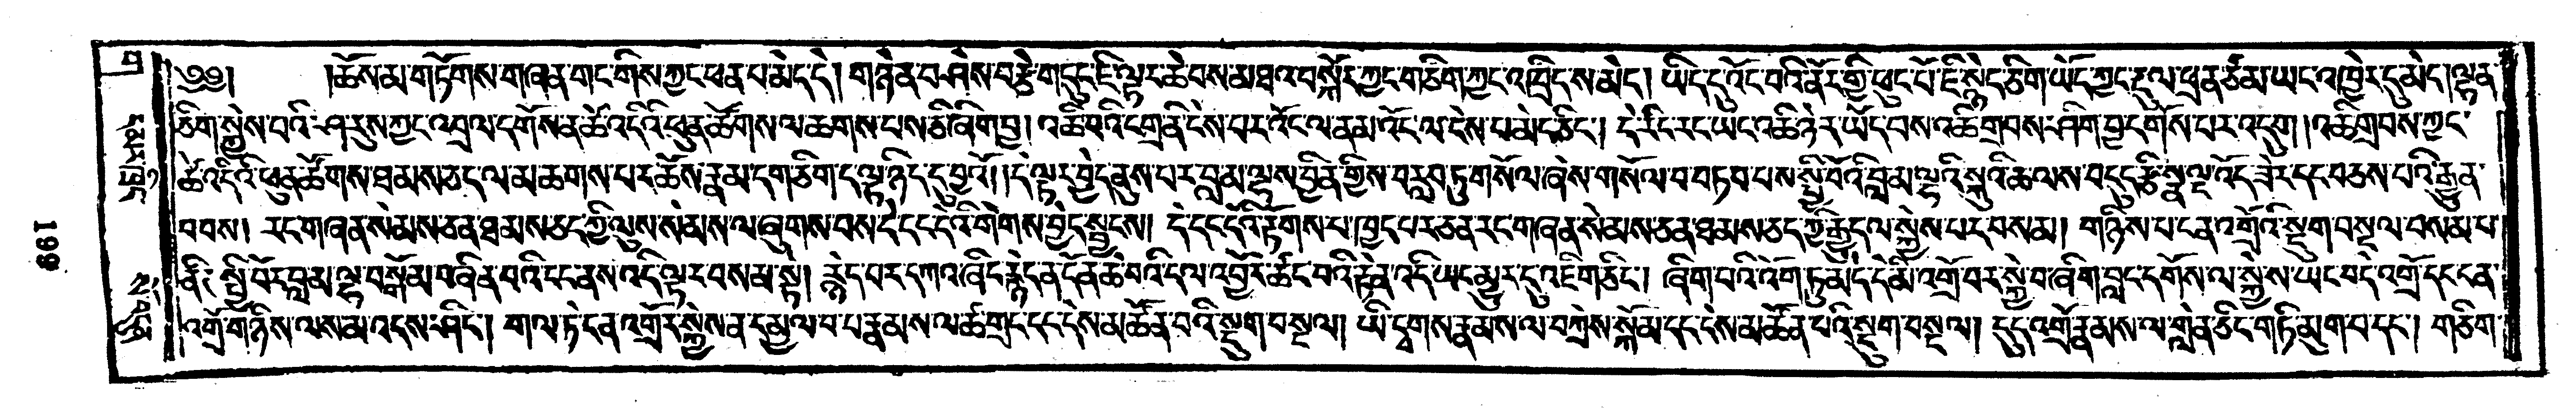༄༅། །ཆོས་མ་གཏོགས་གཞན་གང་གིས་ཀྱང་ཕན་པ་མེད་དེ། གཉེན་བཤེས་བརྩེ་གདུང་ཇི་ལྟར་ཆེ་བས་མཐའ་བསྐོར་ཀྱང་གཅིག་ཀྱང་འཁྲིད་ས་མེད། ཡིད་དུ་འོང་བའི་ནོར་གྱི་ཕུང་པ་ཇི་སྙེད་ཅིག་ཡོད་ཀྱང་རྡུལ་ཕྲན་ཙམ་ཡང་འཁྱེར་དུ་མེད། ལྷན་
ཅིག་སྐྱེས་བའི་ཤ་རུས་ཀྱང་འབྲལ་དགོས་ན་ཚེ་འདིའི་ཕུན་ཚོགས་ལ་ཆགས་པས་ཅི་ཞིག་བྱ། འཆི་བའི་དགྲ་ནི་ངེས་པར་འོང་ལ་ནམ་འོང་ལ་ངེས་པ་མེད་ཅིང་། དེ་རིང་རང་ཡང་འཆི་ཉེར་ཡོད་བས་འཆི་གྲབས་ཤིག་བྱ་དགོས་པར་འདུག །འཆི་གྲབས་ཀྱང་
ཚེ་འདིའི་ཕུན་ཚོགས་ཐམས་ཅད་ལ་མ་ཆགས་པར་ཆོས་རྣམ་དག་ཅིག་ད་ལྟ་ཉིད་དུ་བྱའོ། དེ་ལྟར་བྱེད་ནུས་པར་བླ་མ་ལྷས་བྱིན་གྱིས་བརླབ་ཏུ་གསོལ་ཞེས་གསོལ་བ་བཏབ་པས་སྤྱི་བོའི་བླ་མ་ལྷའི་སྐུའི་ཆ་ལས་བདུད་རྩི་སྣ་ལྔ་འོད་ཟེར་དང་བཅས་པའི་རྒྱུན་
བབས། རང་གཞན་སེམས་ཅན་ཐམས་ཅད་ཀྱི་ལུས་སེམས་ལ་ཞུགས་པས་དེ་དང་དེའི་གེགས་བྱེད་སྦྱངས། དེ་དང་དོའི་རྟོགས་པ་ཁྱད་པར་ཅན་རང་གཞན་སེམས་ཅན་ཐམས་ཅད་ཀྱི་རྒྱུད་ལ་སྐྱེས་པར་བསམ། གཉིས་པ་ངན་འགྲོའི་སྡུག་བསྔལ་བསམ་པ་
ནི༑ སྤྱི་བོར་བླ་མ་ལྷ་བསྒོམ་བཞིན་བའི་ངང་ནས་འདི་ལྟར་བསམ་སྟེ། རྙེད་པར་དཀའ་ཞིང་རྙེད་ན་དོན་ཆེ་བའི་དལ་འབྱོར་ཚང་བའི་རྟེན་འདི་ཡང་མྱུར་དུ་འཇིག་ཅིང་། ཞིག་པའི་འོག་ཏུ་མེད་དེ་མི་འགྲོ་བར་སྐྱེ་བ་ཞིག་བླང་དགོས་ལ་སྐྱེ་ས་ཡང་བདེ་འགྲོ་དང་ངན་
འགྲོ་གཉིས་ལས་མ་འདས་ཤིང་། གལ་ཏེ་ངན་འགྲོར་སྐྱེས་ན་དམྱལ་བ་པ་རྣམས་ལ་ཚ་གྲང་དང་དེས་མཚོན་བའི་སྡུག་བསྔལ། ཡི་དྭགས་རྣམས་ལ་བཀྲེས་སྐོམ་དང་ངེས་མཚོན་པའི་སྡུག་བསྔལ། དུད་འགྲོ་རྣམས་ལ་གླེན་ཅིང་གཏི་མུག་པ་དང་། གཅིག་